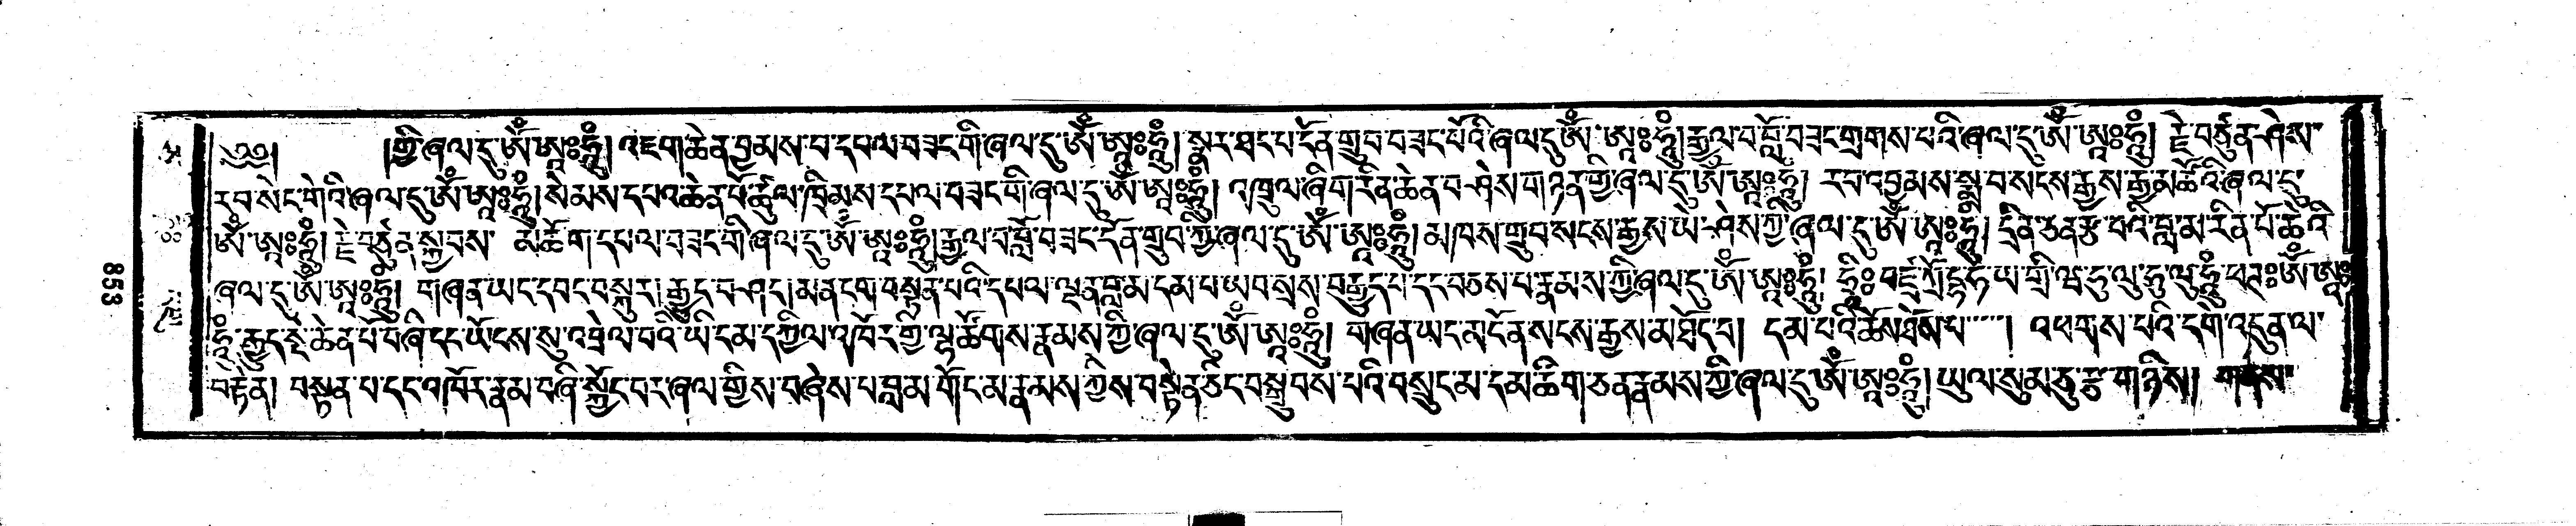༄༅། །གྱི་ཞལ་དུ་ཨོཾ་ཨཱཿ ཧཱུཾ། འཇག་ཆེན་བྱམས་པ་དཔལ་བཟང་གི་ཞལ་དུ་ཨོཾ་ཨཱཿ ཧཱུཾ། སྣར་ཐང་པ་དོན་གྲུབ་བཟང་པོའི་ཞལ་དུ་ཨོཾ་ཨཱཿ ཧཱུཾ། རྒྱལ་བ་བློ་བཟང་གྲགས་པའི་ཞལ་དུ་ཨོཾ་ཨཱཿ ཧཱུཾ། རྗེ་བཙུན་ཤེས་
རབ་སེང་གེའི་ཞལ་དུ་ཨོཾ་ཨཱཿ ཧཱུཾ། སེམས་དཔའ་ཆེན་པོ་ཚུལ་ཁྲིམས་དཔལ་བཟང་གི་ཞལ་དུ་ཨོཾ་ཨཱཿ ཧཱུཾ། འཁྲུལ་ཞིག་རིན་ཆེན་བཤེས་གཉེན་གྱི་ཞལ་དུ་ཨོཾ་ཨཱཿ ཧཱུཾ། རབ་འབྱམས་སྨྲ་བ་སངས་རྒྱས་རྒྱ་མཚོའི་ཞལ་དུ་
ཨོཾ་ཨཱཿ ཧཱུཾ། རྗེ་བཙུན་སྐྱབས་མཆོག་དཔལ་བཟང་གི་ཞལ་དུ་ཨོཾ་ཨཱཿ ཧཱུཾ། རྒྱལ་བ་བློ་བཟང་དོན་གྲུབ་ཀྱི་ཞལ་དུ་ཨོཾ་ཨཱཿ ཧཱུཾ། མཁས་གྲུབ་སངས་རྒྱས་ཡེ་ཤེས་ཀྱི་ཞལ་དུ་ཨོཾ་ཨཱཿ ཧཱུཾ། དྲིན་ཅན་རྩ་བའི་བླ་མ་རིན་པོ་ཆེའི་
ཞལ་དུ་ཨོཾ་ཨཱཿ ཧཱུཾ། གཞན་ཡང་དབང་བསྐུར། རྒྱུད་བཤད། མན་ངག་བསྟན་པའི་དཔལ་ལྡན་བླ་མ་དམ་པ་ཡབ་སྲས་བརྒྱུད་པ་དང་བཅས་པ་རྣམས་ཀྱི་ཞལ་དུ་ཨོཾ་ཨཱཿ ཧཱུཾ། ཧྲཱིཿ བཛྲ་ཀྲོ་དྷ་ཧ་ཡ་གྲི་ཝ་ཧུ་ལུ་ཧུ་ལུ་ཧཱུཾ་ཕཊཿ ཨོཾ་ཨཱཿ
ཧཱུཾ་རྒྱུད་སྡེ་ཆེན་པོ་བཞི་དང་ཡོངས་སུ་འབྲེལ་བའི་ཡི་དམ་དཀྱིལ་འཁོར་གྱི་ལྷ་ཚོགས་རྣམས་ཀྱི་ཞལ་དུ་ཨོཾ་ཨཱཿ ཧཱུཾ། གཞན་ཡང་མངོན་སངས་རྒྱས་མཐོང་བ། དམ་པའི་ཆོས་ཐོས་པ་དང་། འཕགས་པའི་དགེ་འདུན་ལ་
བརྟེན། བསྟན་པ་དང་འཁོར་རྣམ་བཞི་སྐྱོང་བར་ཞལ་གྱིས་བཞེས་པ་བླ་མ་གོང་མ་རྣམས་ཀྱིས་བསྟེན་ཅིང་བསྒྲུབས་པའི་བསྲུང་མ་དམ་ཚིག་ཅན་རྣམས་ཀྱི་ཞལ་དུ་ཨོཾ་ཨཱཿ ཧཱུཾ། ཡུལ་སུམ་ཅུ་རྩ་གཉིས། གནས་